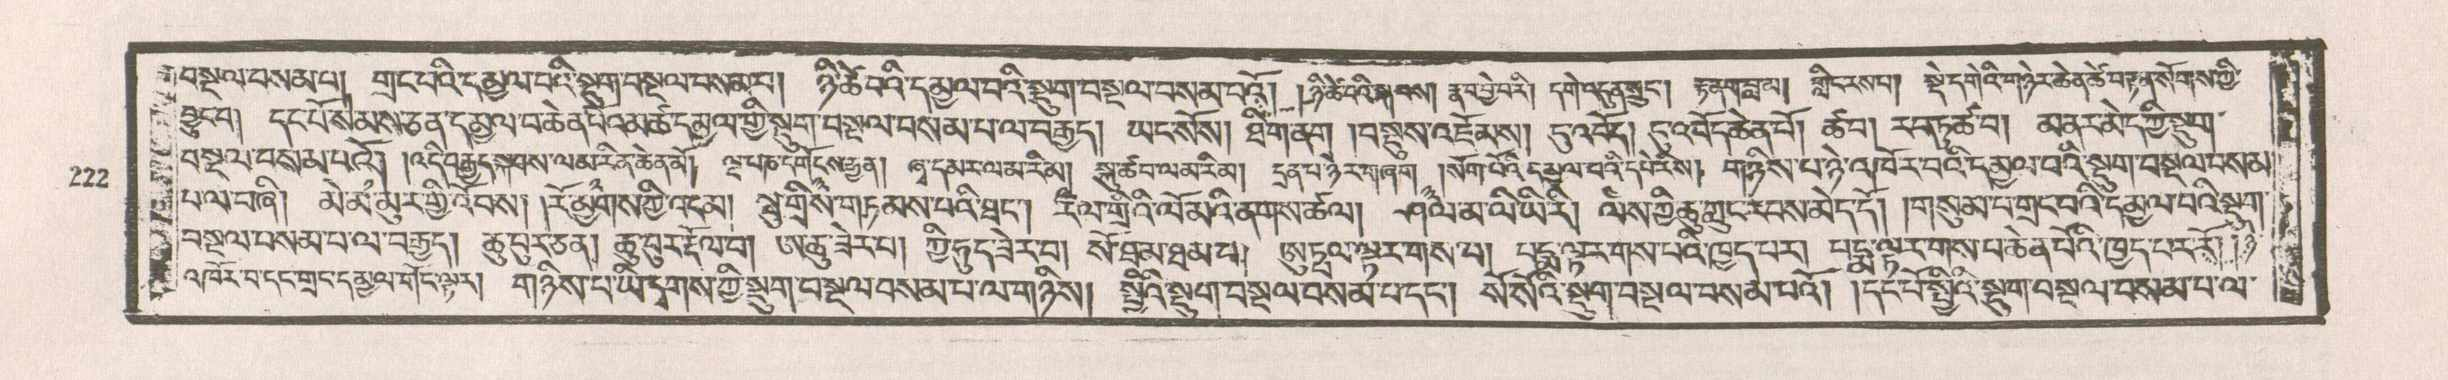བསྔལ་བསམ་པ། གྲང་བའི་དམྱལ་བའི་སྡུག་བསྔལ་བསམ་པ། ཉི་ཚེ་བའི་དམྱལ་བའི་སྡུག་བསྔལ་བསམ་པའོ། ། ཉི་ཚེ་བའི་སྐབས། རྣ་བ་བྱེ་བ་རི། དགེ་འདུན་སྲུང་། རྟ་ནག་བླ་མ། གླིང་རས་པ། སྡེ་དགེའི་གཉེར་ཆེན་ཚེ་བརྟན་སོགས་ཀྱི
བྱུང་བ།  དང་པོ་སེམས་ཅན་དམྱལ་བ་ཆེན་པོའམ་ཚ་དམྱལ་གྱི་སྡུག་བསྔལ་བསམ་པ་ལ་བརྒྱད། ཡང་སོས། ཐིག་ནག །བསྡུས་འཇོམས། ངུ་འབོད། ངུ་འབོད་ཆེན་པོ། ཚ་བ། རབ་ཏུ་ཚ་བ། མནར་མེད་ཀྱི་སྡུག་
བསྔལ་བསམ་པའོ། ། འདི་བརྒྱད་སྐབས་ལམ་རིམ་ཆེན་མོ། ལྔ་པཎ་དགོངས་རྒྱན། ཞྭ་དམར་ལམ་རིམ། སྐུ་ཚབ་ལམ་རིམ། དྲན་པ་ཉེར་གཞག །སོག་པོའི་དམྱལ་བའི་དཔེ་རིས།  གཉིས་པ་ཉེ་འཁོར་བའི་དམྱལ་བའི་སྡུག་བསྔལ་བསམ་
པ་ལ་བཞི། མེ་མ་མུར་གྱི་འོབས། རོ་མྱགས་ཀྱི་འདམ། སྤུ་གྲིས་གཏམས་པའི་ཐང་། རལ་གྲིའི་ལོ་མའི་ནགས་ཚལ། ཤལ་མ་ལི་ཡི་རི། ལས་ཀྱི་ཆུ་ཀླུང་རབས་མེད་དོ། །གསུམ་པ་གྲང་བའི་དམྱལ་བའི་སྡུག་
བསྔལ་བསམ་པ་ལ་བརྒྱད། ཆུ་བུར་ཅན། ཆུ་བུར་རྡོལ་བ། ཨ་ཆུ་ཟེར་བ། ཀྱི་ཧུད་ཟེར་བ། སོ་ཐམ་ཐམ་པ། ཨུཏྤལ་ལྟར་གས་པ། པདམ་ལྟར་གས་པའི་ཁྱད་པར། པདམ་ལྟར་གས་པ་ཆེན་པོའི་ཁྱད་པར་རོ། ། ཉེ
འཁོར་བ་དང་གྲང་དམྱལ་གོང་ལྟར།  གཉིས་པ་ཡི་དྭགས་ཀྱི་སྡུག་བསྔལ་བསམ་པ་ལ་གཉིས། སྤྱིའི་སྡུག་བསྔལ་བསམ་པ་དང་། སོ་སོའི་སྡུག་བསྔལ་བསམ་པའོ། །དང་པོ་སྤྱིའི་སྡུག་བསྔལ་བསམ་པ་ལ་